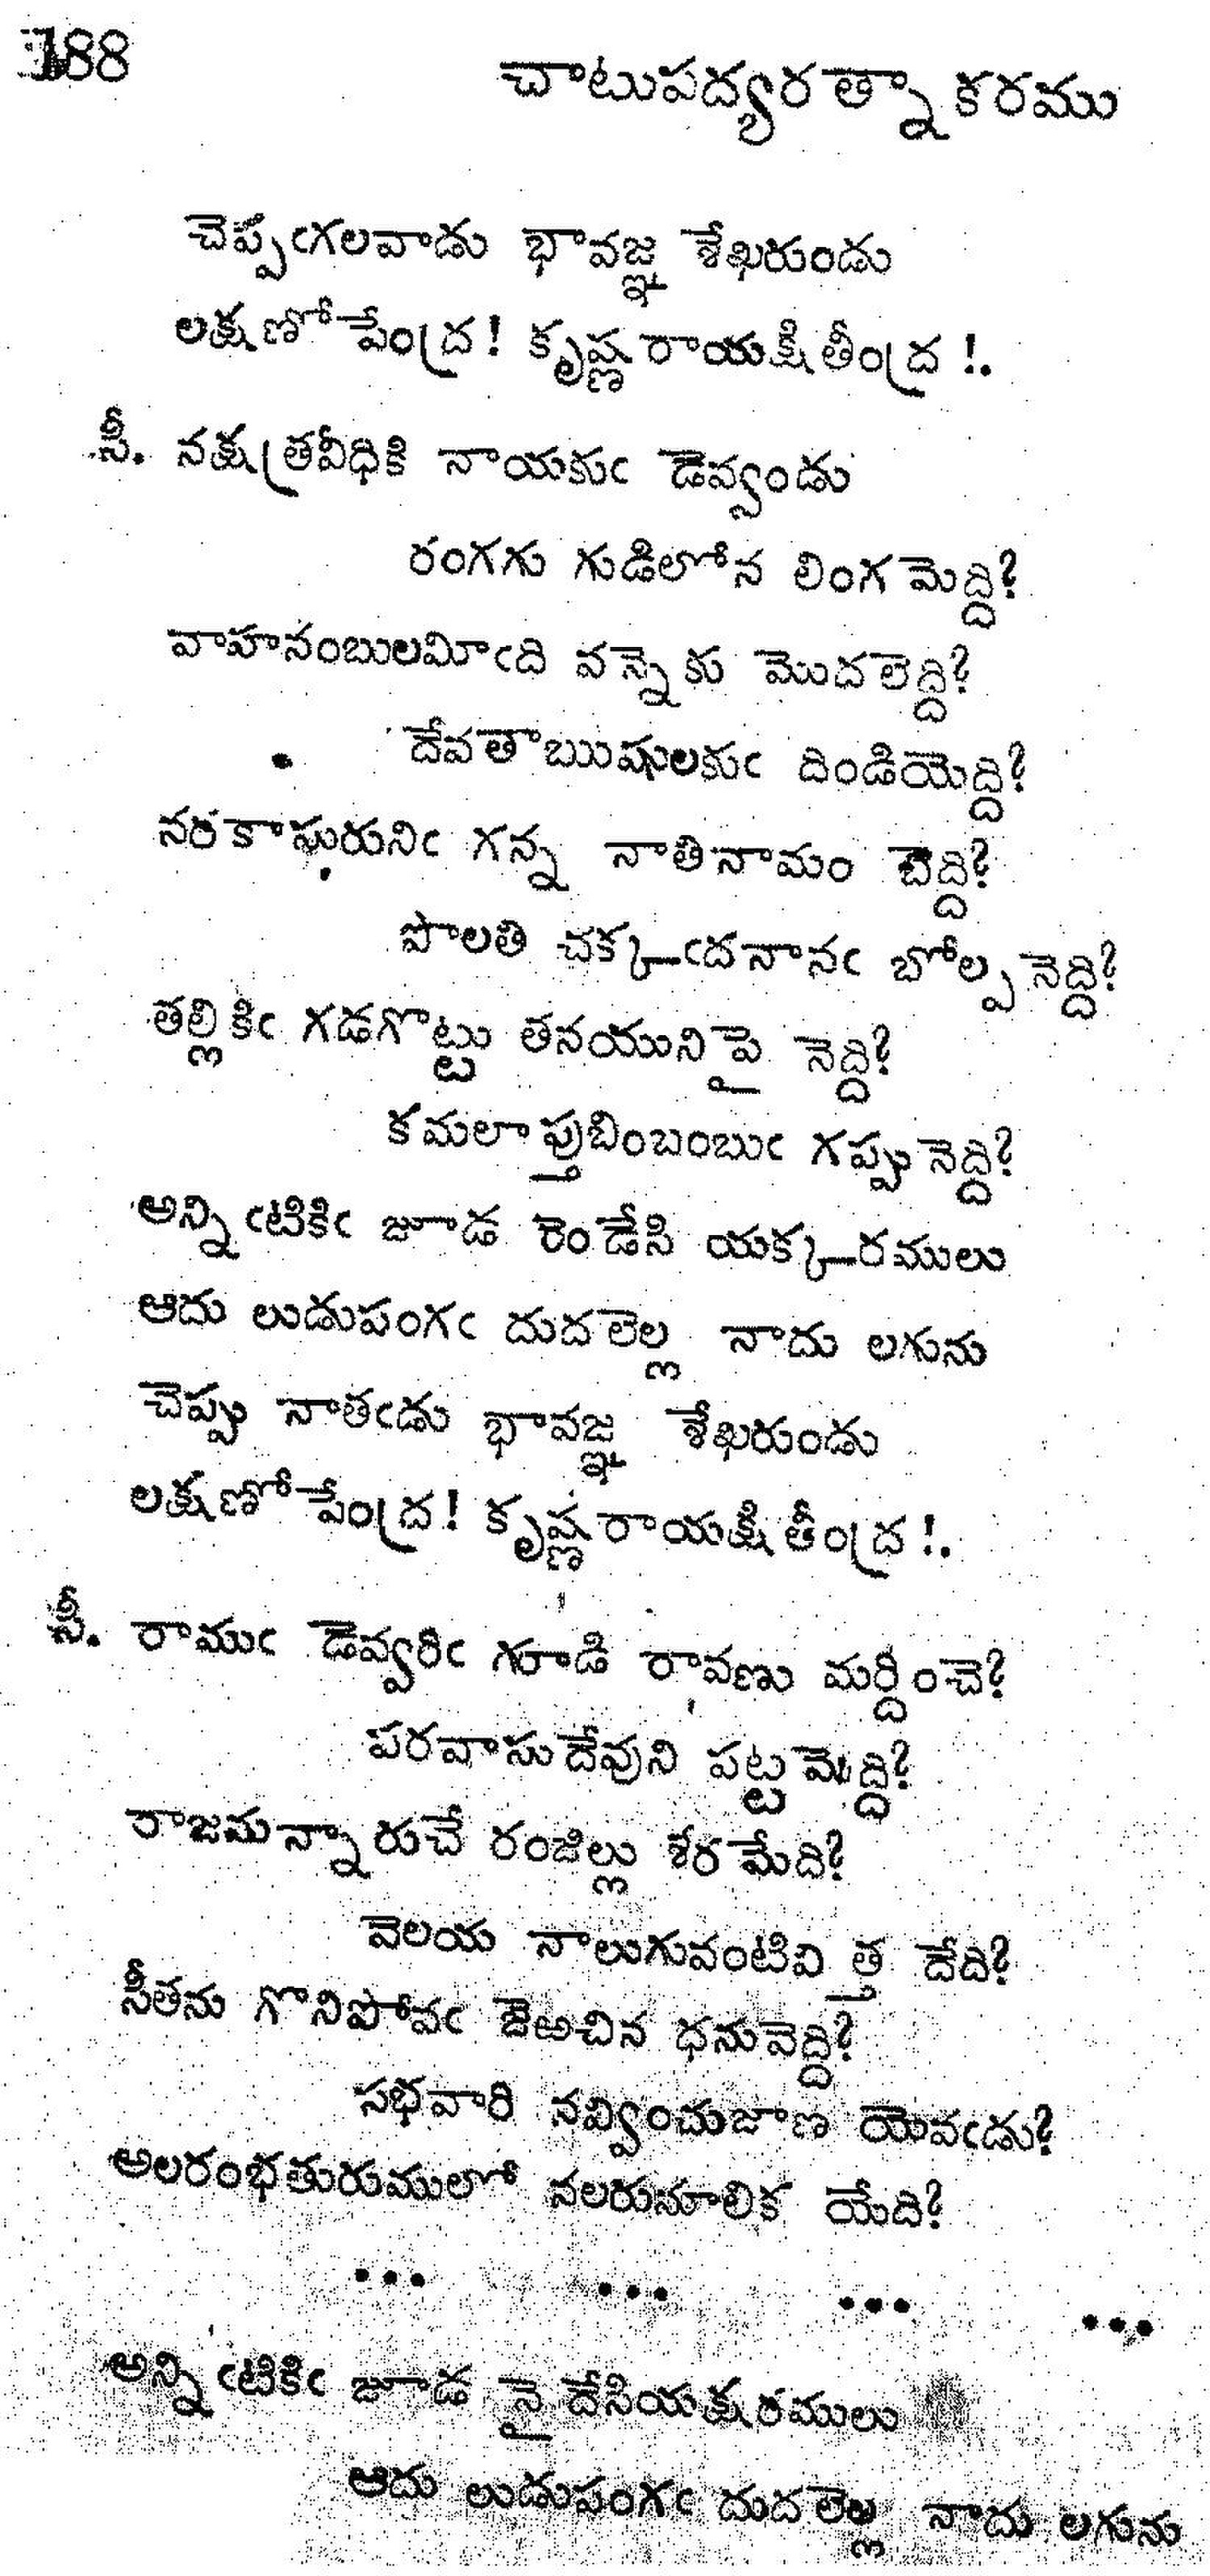చెప్పగలవాఁడు భావజ్ఞశేఖరుండు
 లక్షణోపేంద్ర! కృష్ణరాయక్షితీంద్ర!

సీ. నక్షత్రవీథికి నాయకుఁ డెవ్వండు?
 రంగగు గుడిలోన లింగ మెద్ది?
 వాహనంబులమీఁది వన్నెకు మొదలెద్ది?
 దేవతాఋషులకుఁ దిండి యెద్ది?
 నరకాసురునిఁ గన్న నాతినామం బెద్ది?
 పొలతి చక్కఁదనానఁ బోల్పనెద్ది?
 తల్లికిఁ గడగొట్టు తనయునిపై నెద్ది?
 కమలాప్తుబింబంబుఁ గప్పునెద్ది?
 అన్నిఁటికిఁ జూడ రెండెసి యక్కరములు
 ఆదు లుడుపంగఁ దుదలెల్ల నాదు లగును
 చెప్పునాతఁడు భావజ్ఞశేఖరుండు
 లక్షణోపేంద్ర! కృష్ణరాయక్షితీంద్ర!

సీ. రాముఁ డెవ్వరిఁ గూడి రావణు మర్దించె?
 పరవాసుదేవుని పట్టమెద్ది?
 రాజమన్నారుచే రంజిల్లు శరమేది?
 వెలయ నాలుగువంటివిత్త దేది?
 సీతను గొనిపోవఁ జెఱచిన ధనువెద్ది?
 సభవారి నవ్వించు జాణ యెవఁడు?
 అలరంభతురుములో నలరునూలిక యేది?
 ............................................
 అన్నిఁటికిఁ జూడ నైదేసి యక్షరములు
 ఆదు లుడుపంగఁ దుదలెల్ల నాదు లగును